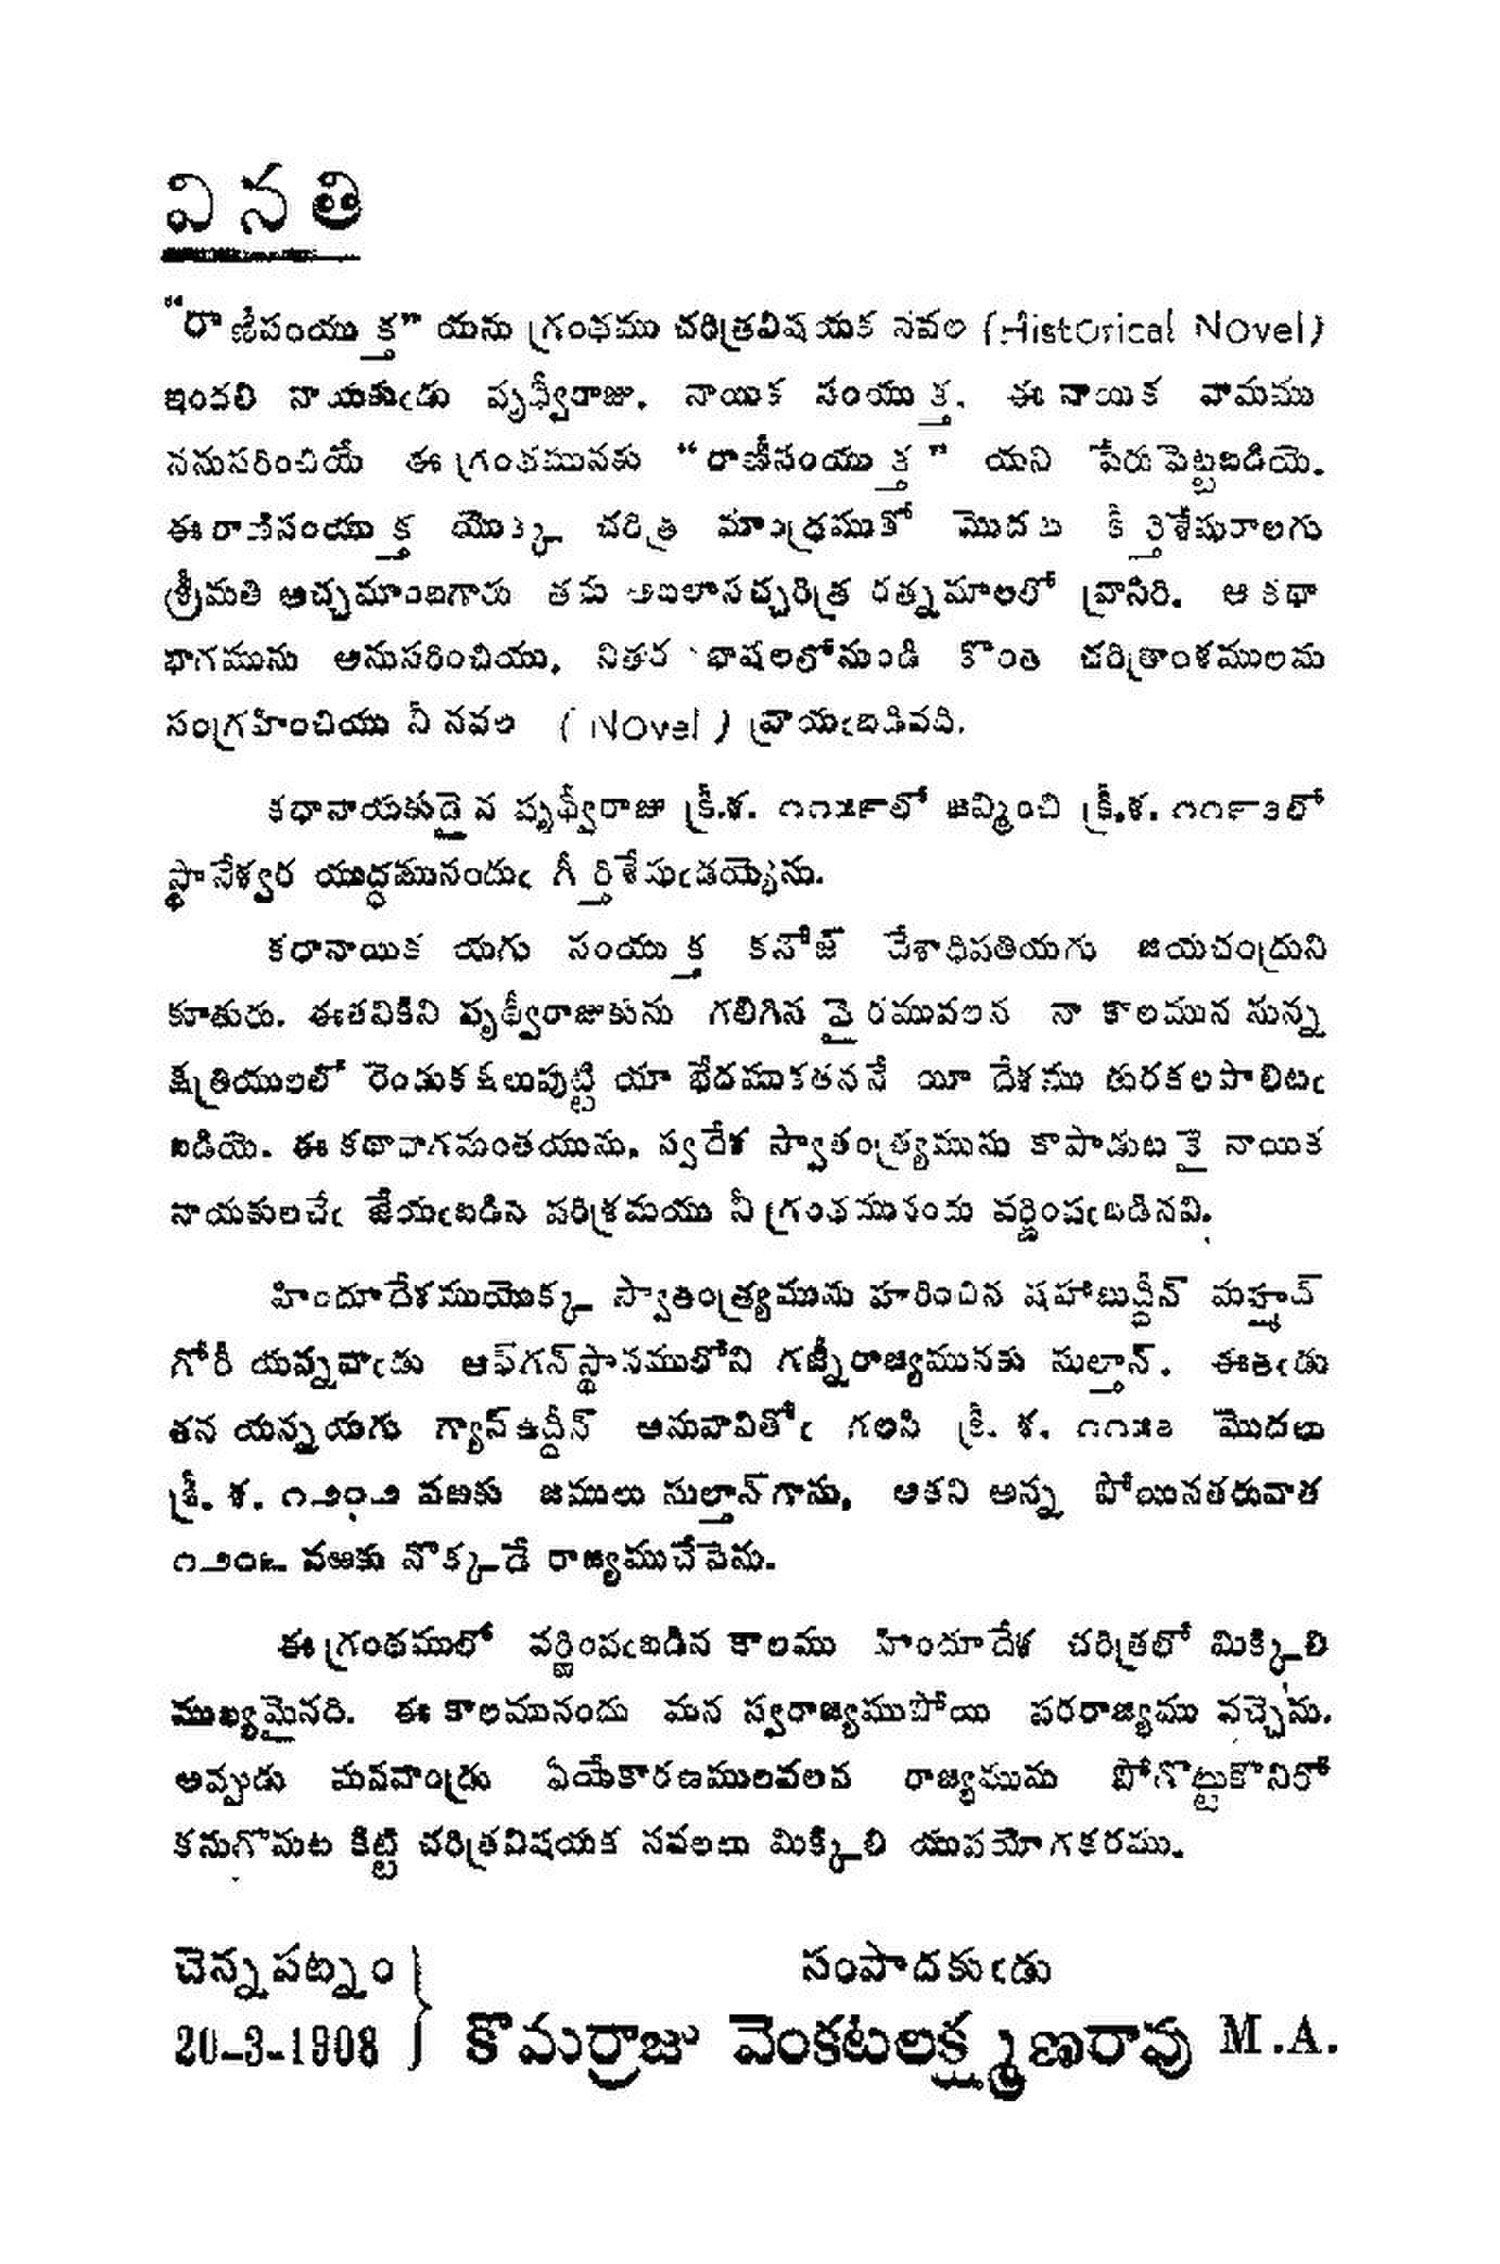"రాణీసంయుక్త" యను గ్రంథము చరిత్రవిషయక నవల (Historical Novel) ఇందలి నాయకుఁడు పృథ్వీరాజు. నాయిక సంయుక్త, ఈ నాయిక నామము ననుసరించియే ఈ గ్రంథమునకు “రాణీసంయుక్త" యని పేరుపెట్టబడియె. ఈ రాణిసంయుక్త యొక్క చరిత్ర మాంధ్రములో మొదట కీర్తిశేషురాలగు శ్రీమతి అచ్చమాంబగారు తమ అబలాసచ్చరిత్ర రత్నమాలలో వ్రాసిరి. ఆ కథా భాగమును అనుసరించియు, నితర భాషలలోనుండి కొంత చరిత్రాంశములమ సంగ్రహించియు నీ నవల (Novel ) వ్రాయఁబడినది .

కధానాయకుడైన పృథ్వీరాజు క్రీ.శ. 1159లో జన్మించి క్రీ.శ. 1193 లో స్థానేశ్వర యుద్ధమునందుఁ గీర్తిశేషుఁడయ్యెను.

కధానాయిక యగు సంయుక్త కనోజ్ దేశాధిపతియగు జయచంద్రుని కూతురు. ఈతనికిని పృథ్వీరాజుకును గలిగిన వైరమువలన నా కాలమున నున్న క్షత్రియులలో రెండుకక్షలుపుట్టి యా భేదముకతననే యీ దేశము తురకలపాలిటఁ బడియె. ఈ కథాభాగమంతయును, స్వదేశ స్వాతంత్ర్యమును కాపాడుటకై నాయిక నాయకులచేఁ జేయఁబడిన పరిశ్రమయు నీ గ్రంథమునందు వర్ణింపఁబడినవి.

హిందూదేశముయొక్క స్వాతంత్ర్యమును హరించిన షహాబుద్దీన్ మహ్మద్ గోరీ యన్నవాడు ఆఫ్‌గన్‌స్థానములోని గజ్నీరాజ్యమునకు సుల్తాన్. ఈతఁడు తన యన్నయగు గ్యాస్‌ఉద్దీన్ ఆనువానితోఁ గలసి క్రీ. శ.1157 మొదలు క్రీ. శ. 1202 వఱకు జములు సుల్తాన్‌గాను, అతని అన్న పోయినతరువాత 1206 వఱకు నొక్కడే రాజ్యముచేసెను.

ఈ గ్రంథములో వర్ణింపఁబడిన కాలము హిందూదేశ చరిత్రలో మిక్కిలి ముఖ్యమైనది. ఈ కాలమునందు మన స్వరాజ్యముపోయి పరరాజ్యము వచ్చెను. అప్పుడు మనవాండ్రు ఏయేకారణములవలన రాజ్యమును పోగొట్టుకొనిరో కనుగోనుట కిట్టి చరిత్ర విషయక నవలలు మిక్కిలి యుపయోగకరము.